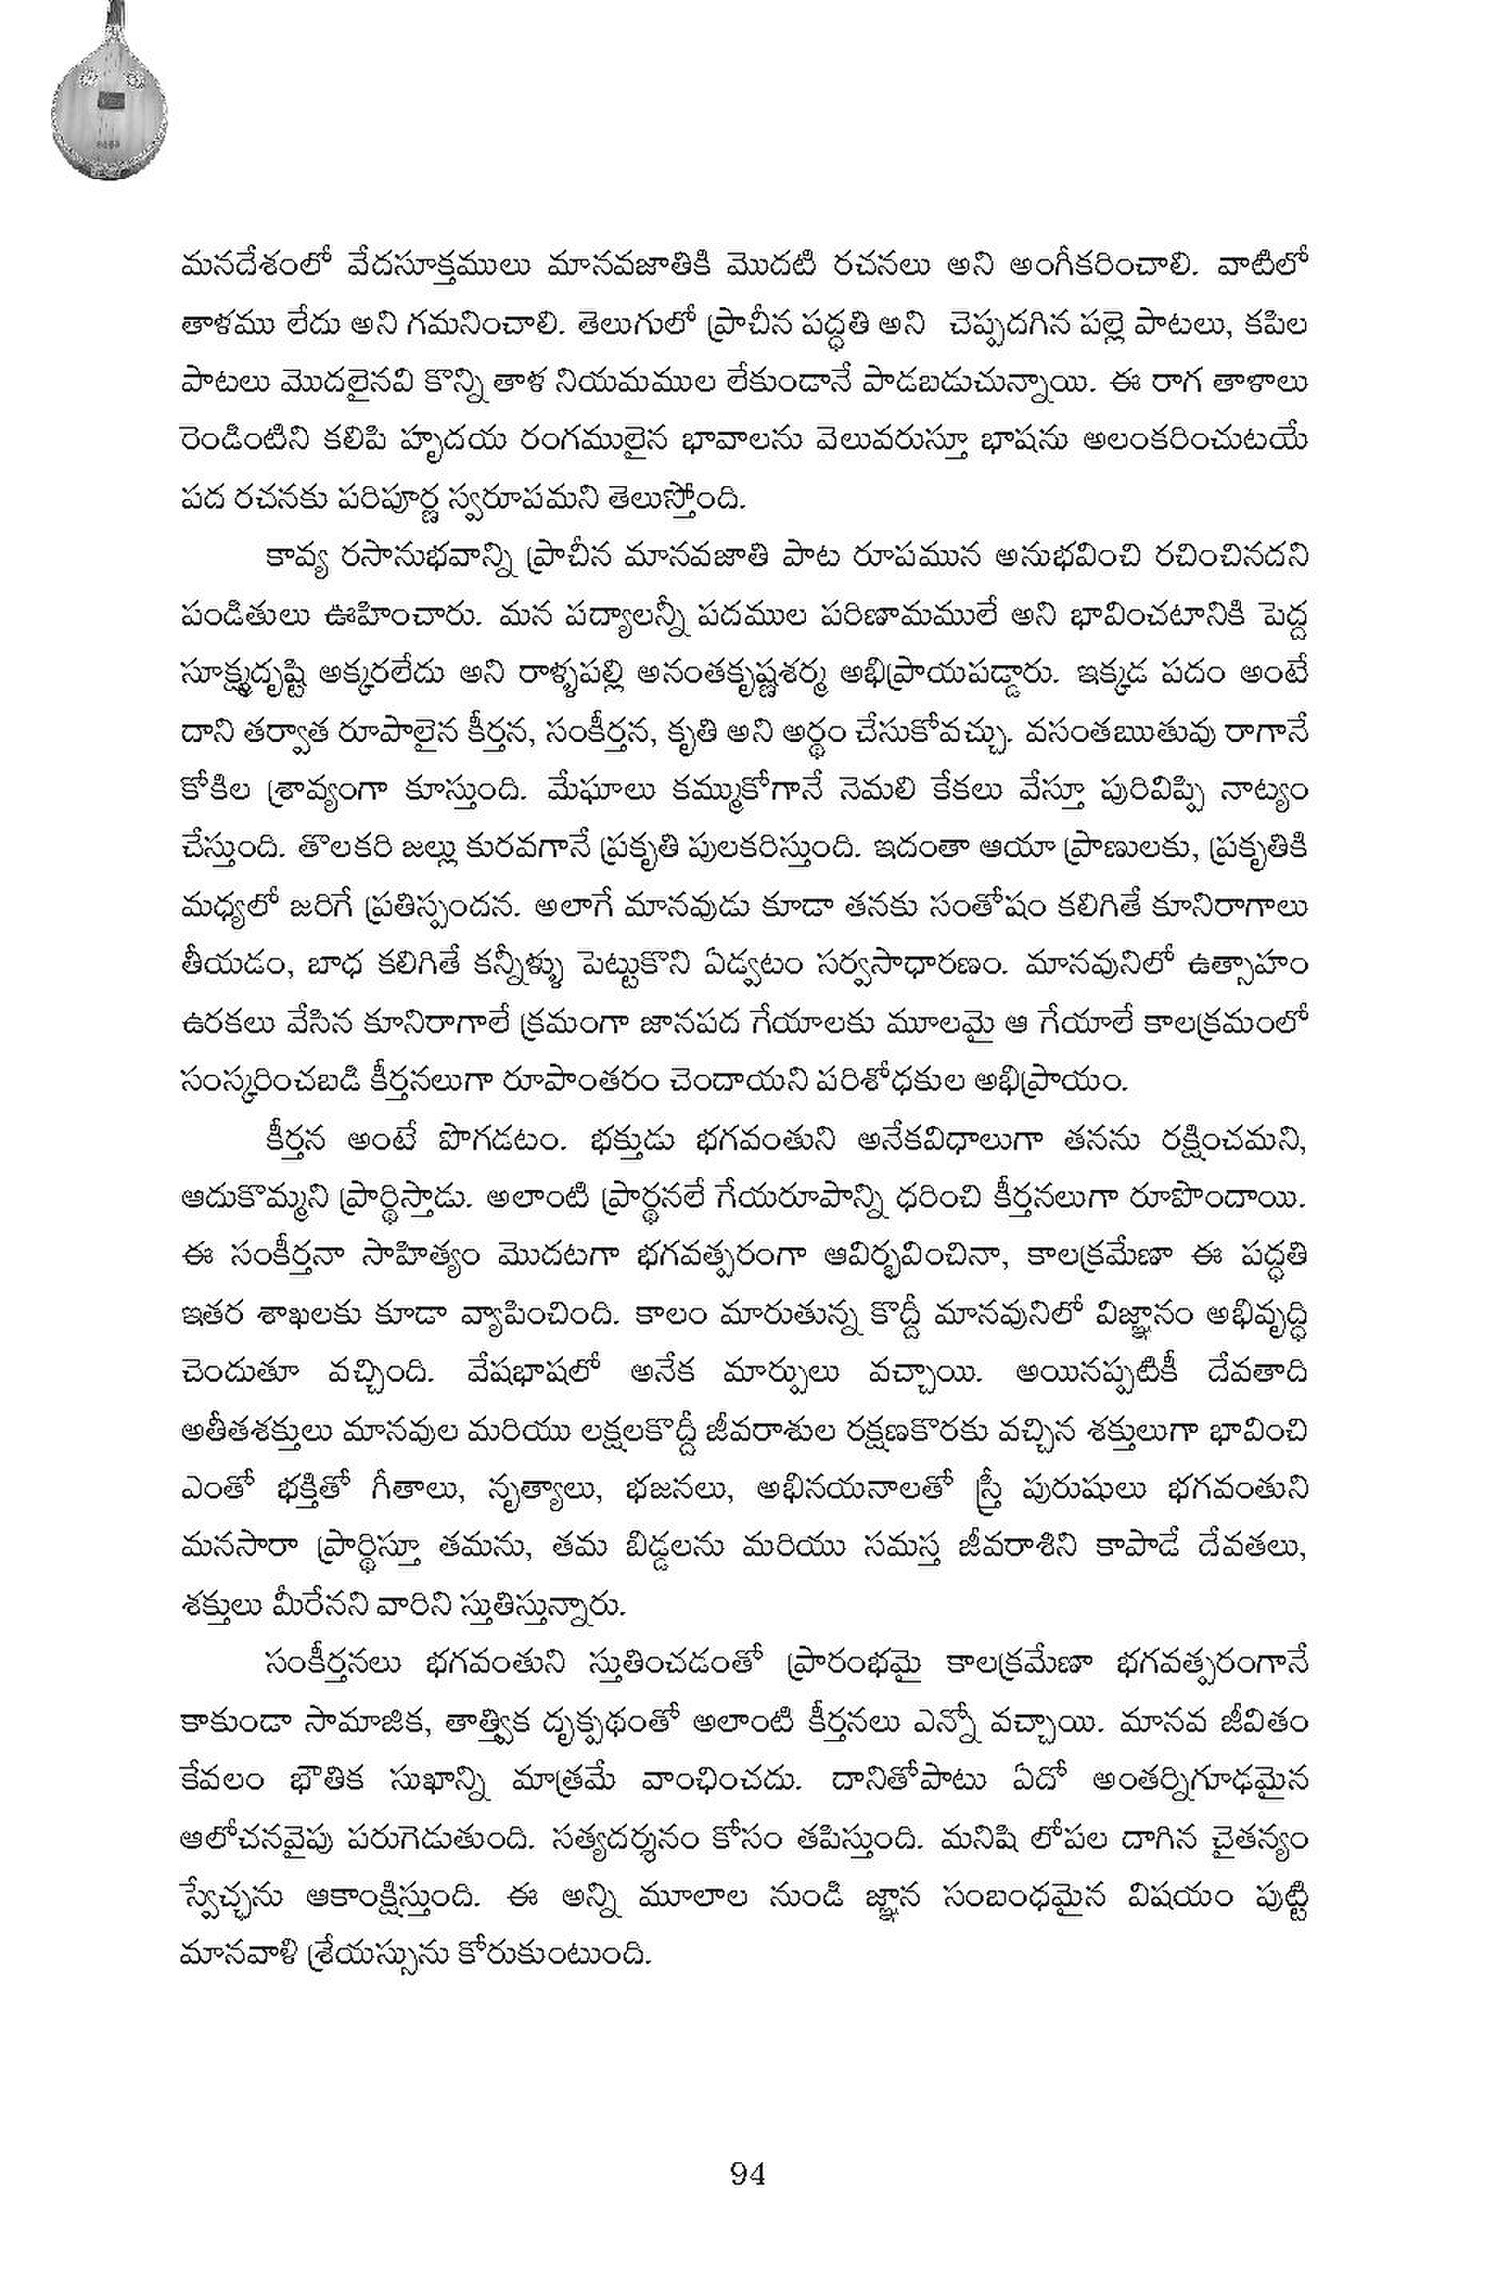మనదేశంలో వేదసూక్తములు మానవజాతికి మొదటి రచనలు అని అంగీకరించాలి. వాటిలో తాళము లేదు అని గమనించాలి. తెలుగులో ప్రాచీన పద్ధతి అని చెప్పదగిన పల్లె పాటలు, కపిల పాటలు మొదలైనవి కొన్ని తాళ నియమములు లేకుండానే పాడబడుచున్నాయి. ఈ రాగ తాళాలు రెండింటిని కలిపి హృదయ రంగములైన భావాలను వెలువరుస్తూ భాషను అలంకరించుటయే పద రచనకు పరిపూర్ణ స్వరూపమని తెలుస్తోంది.

కావ్య రసానుభవాన్ని ప్రాచీన మానవజాతి పాట రూపమున అనుభవించి రచించినదనిపండితులు ఊహించారు. మన పద్యాలన్నీ పదముల పరిణామములే అని భావించటానికి పెద్ద సూక్ష్మదృష్టి అక్కరలేదు అని రాళ్ళపల్లి అనంతకృష్ణశర్మ అభిప్రాయపడ్డారు. ఇక్కడ పదం అంటే దాని తర్వాత రూపాలైన కీర్తన, సంకీర్తన, కృతి అని అర్థం చేసుకోవచ్చు. వసంతఋతువు రాగానే కోకిల శ్రావ్యంగా కూస్తుంది. మేఘాలు కమ్ముకోగానే నెమలి కేకలు వేస్తూ పురివిప్పి నాట్యం
చేస్తుంది. తొలకరి జల్లు కురవగానే ప్రకృతి పులకరిస్తుంది. ఇదంతా ఆయా ప్రాణులకు, ప్రకృతికి మధ్యలో జరిగే ప్రతిస్పందన. అలాగే మానవుడు కూడా తనకు సంతోషం కలిగితే కూనిరాగాలు తీయడం, బాధ కలిగితే కన్నీళ్ళు పెట్టుకొని ఏడ్వటం సర్వసాధారణం. మానవునిలో ఉత్సాహం ఉరకలు వేసిన కూనిరాగాలే క్రమంగా జానపద గేయాలకు మూలమై ఆ గేయాలే కాలక్రమంలో సంస్కరించబడి కీర్తనలుగా రూపాంతరం చెందాయని పరిశోధకుల అభిప్రాయం.

కీర్తన అంటే పొగడటం. భక్తుడు భగవంతుని అనేకవిధాలుగా తనను రక్షించమని, ఆదుకొమ్మని ప్రార్థిస్తాడు. అలాంటి ప్రార్థనలే గేయరూపాన్ని ధరించి కీర్తనలుగా రూపొందాయి. ఈ సంకీర్తనా సాహిత్యం మొదటగా భగవత్సరంగా ఆవిర్భవించినా, కాలక్రమేణా ఈ పద్ధతి ఇతర శాఖలకు కూడా వ్యాపించింది. కాలం మారుతున్న కొద్దీ మానవునిలో విజ్ఞానం అభివృద్ధి చెందుతూ వచ్చింది. వేషభాషలో అనేక మార్పులు వచ్చాయి. అయినప్పటికీ దేవతాది అతీతశక్తులు మానవుల మరియు లక్షలకొద్దీ జీవరాశుల రక్షణకొరకు వచ్చిన శక్తులుగా భావించి ఎంతో భక్తితో గీతాలు, నృత్యాలు, భజనలు, అభినయనాలతో స్త్రీ పురుషులు భగవంతుని మనసారా ప్రార్థిస్తూ తమను, తమ బిడ్డలను మరియు సమస్త జీవరాశిని కాపాడే దేవతలు, శక్తులు మీరేనని వారిని స్తుతిస్తున్నారు.

సంకీర్తనలు భగవంతుని స్తుతించడంతో ప్రారంభమై కాలక్రమేణా భగవత్పరంగానే కాకుండా సామాజిక, తాత్విక దృక్పథంతో అలాంటి కీర్తనలు ఎన్నో వచ్చాయి. మానవ జీవితం కేవలం భౌతిక సుఖాన్ని మాత్రమే వాంఛించదు. దానితోపాటు ఏదో అంతర్నిగూఢమైన ఆలోచనవైపు పరుగెడుతుంది. సత్యదర్శనం కోసం తపిస్తుంది. మనిషి లోపల దాగిన చైతన్యం స్వేచ్ఛను ఆకాంక్షిస్తుంది. ఈ అన్ని మూలాల నుండి జ్ఞాన సంబంధమైన విషయం పుట్టి మానవాళి శ్రేయస్సును కోరుకుంటుంది.